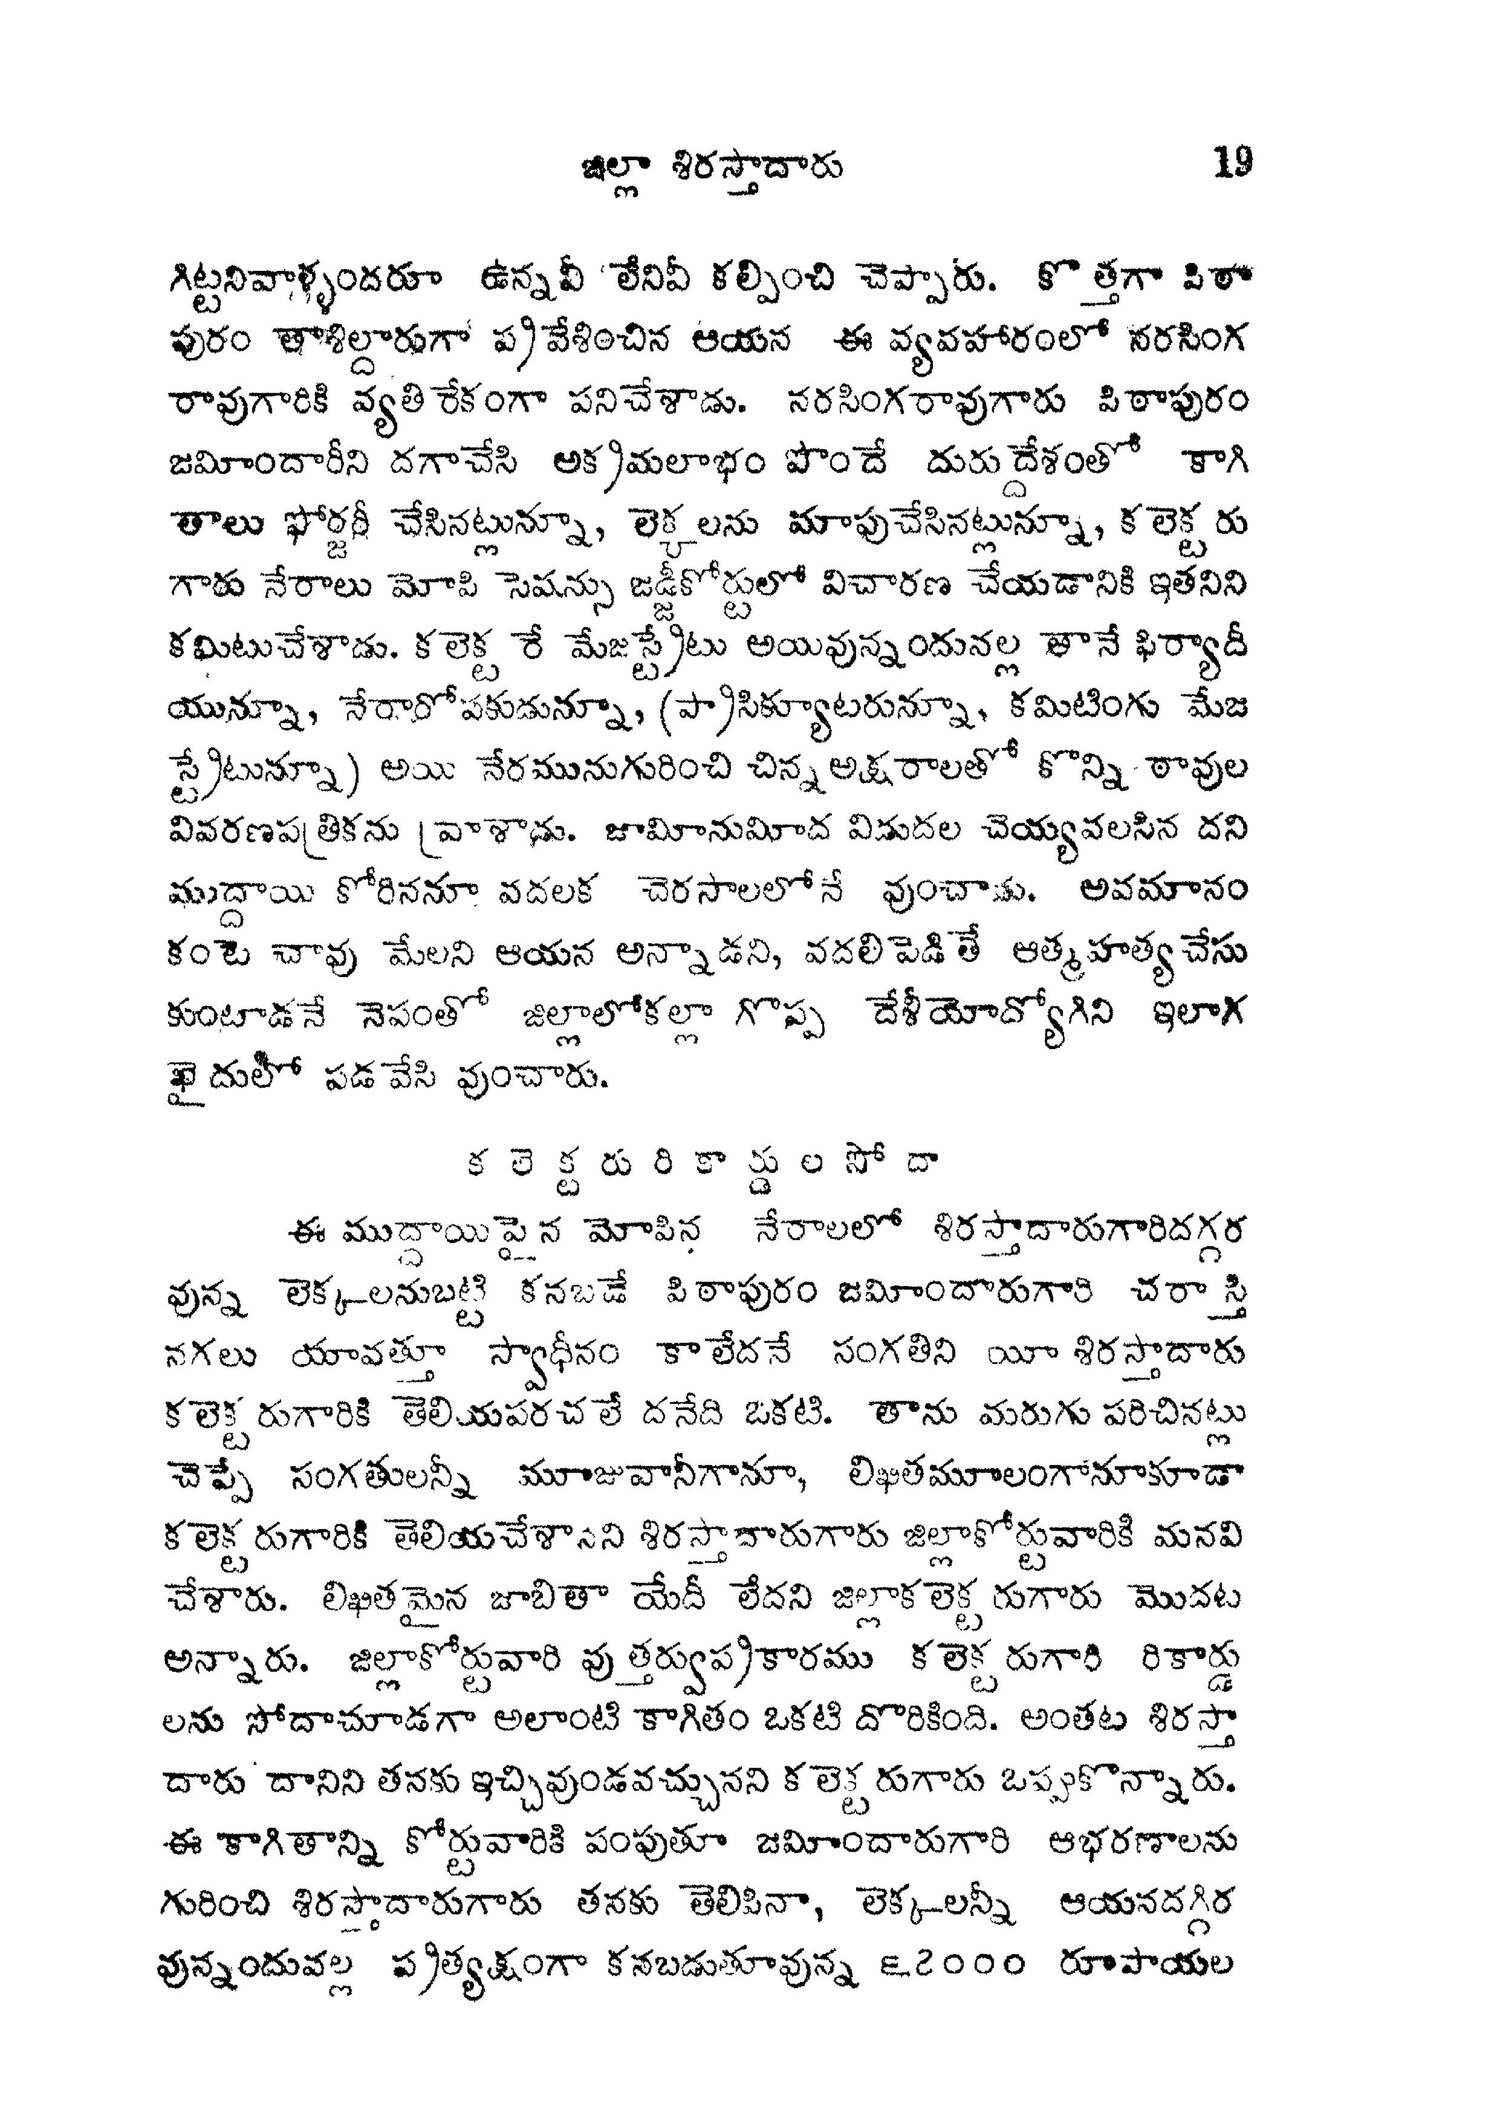గిట్టనివాళ్ళందరూ ఉన్నవీ లేనివీ కల్పించి చెప్పారు. కొత్తగా పిఠాపురం తాశిల్దారుగా ప్రవేశించిన ఆయన ఈ వ్యవహారంలో నరసింగరావుగారికి వ్యతిరేకంగా పనిచేశాడు. నరసింగరావుగారు పిఠాపురం జమీందారీని దగాచేసి అక్రమలాభం పొందే దురుద్దేశంతో కాగితాలు ఫోర్జరీ చేసినట్లున్నూ, లెక్కలను మాపుచేసి నట్లున్నూ, కలెక్టరుగారు నేరాలు మోపి సెషన్సు జడ్జీకోర్టులో విచారణ చేయడానికి ఇతనిని కమిటుచేశాడు. కలెక్టరే మేజెష్ట్రీటు అయివున్నందువల్ల తానే ఫిర్యాదీయున్నూ, నేరారోపకుడున్నూ, (ప్రాసిక్యూటరున్నూ, కమిటింగు మేజస్ట్రీటున్నూ) అయి నేరమునుగురించి చిన్న అక్షరాలతో కొన్ని తావుల వివరణపత్రికను వ్రాసాడు. జమీనుమీద విదుదల చెయ్యవలసిన దని ముద్దాయి కోరిననూ వదలక చెరసాలలోనే వుంచారు. అవమానం కంటె చావు మేలని ఆయన అన్నాడని, వదలిపెడితే ఆత్మహత్యచేసుకుంటాడనే నెపంతో జిల్లాలోకల్లా గొప్ప దేశీయోద్యోగిని ఇలాగ ఖైదులో పడవేసి వుంచారు.
 

 
ఈ ముద్దాయిపైన మోపిన నేరాలలో శిరస్తాదారుగారిదగ్గర వున్న లెక్కలను బట్టి కనబడే పిఠాపురం జమీందారుగారి చరాస్తి నగలు యావత్తూ స్వాధీనం కాలేదనే సంగతిని యీ శిరస్తాదారు కలెక్టరుగారికి తెలియపరచలే దనేది ఒకటి. తాను మరుగు పరిచినట్లు చెప్పే సంగతులన్నీ మూజువానీగానూ, లిఖిత మూలంగానూకూడా కలెక్టరుగారికి తెలియజేసానని శిరస్తాదారుగారు జిల్లా కోర్టు వారికి మనవి చేశారు. లిఖితమైన జాబితా యేదీ లేదని జిల్లాకలెక్టరుగారు మొదట అన్నారు. జిల్లాకోర్టువారి వుత్తర్వుప్రకారము కలెక్టరుగారి రికార్డులను సోదాచూడగా అలాంటి కాగితం ఒకటి దొరికింది. అంతట శిరస్తాదారు దానిని తనకు ఇచ్చివుండవచ్చునని కలెక్టరుగారు ఒప్పుకొన్నారు. ఈకాగితాన్ని కోర్టువారి కి పంపుతూ జమీందారుగారి ఆబరణాలను గురించి శిరస్తాదారుగారు తనకు తెలిసినా, లెక్కలన్నీ ఆయనదగ్గిర వున్నందువల్ల ప్రత్యక్షంగా కనబడుతూవున్న 67000 రూపాయల